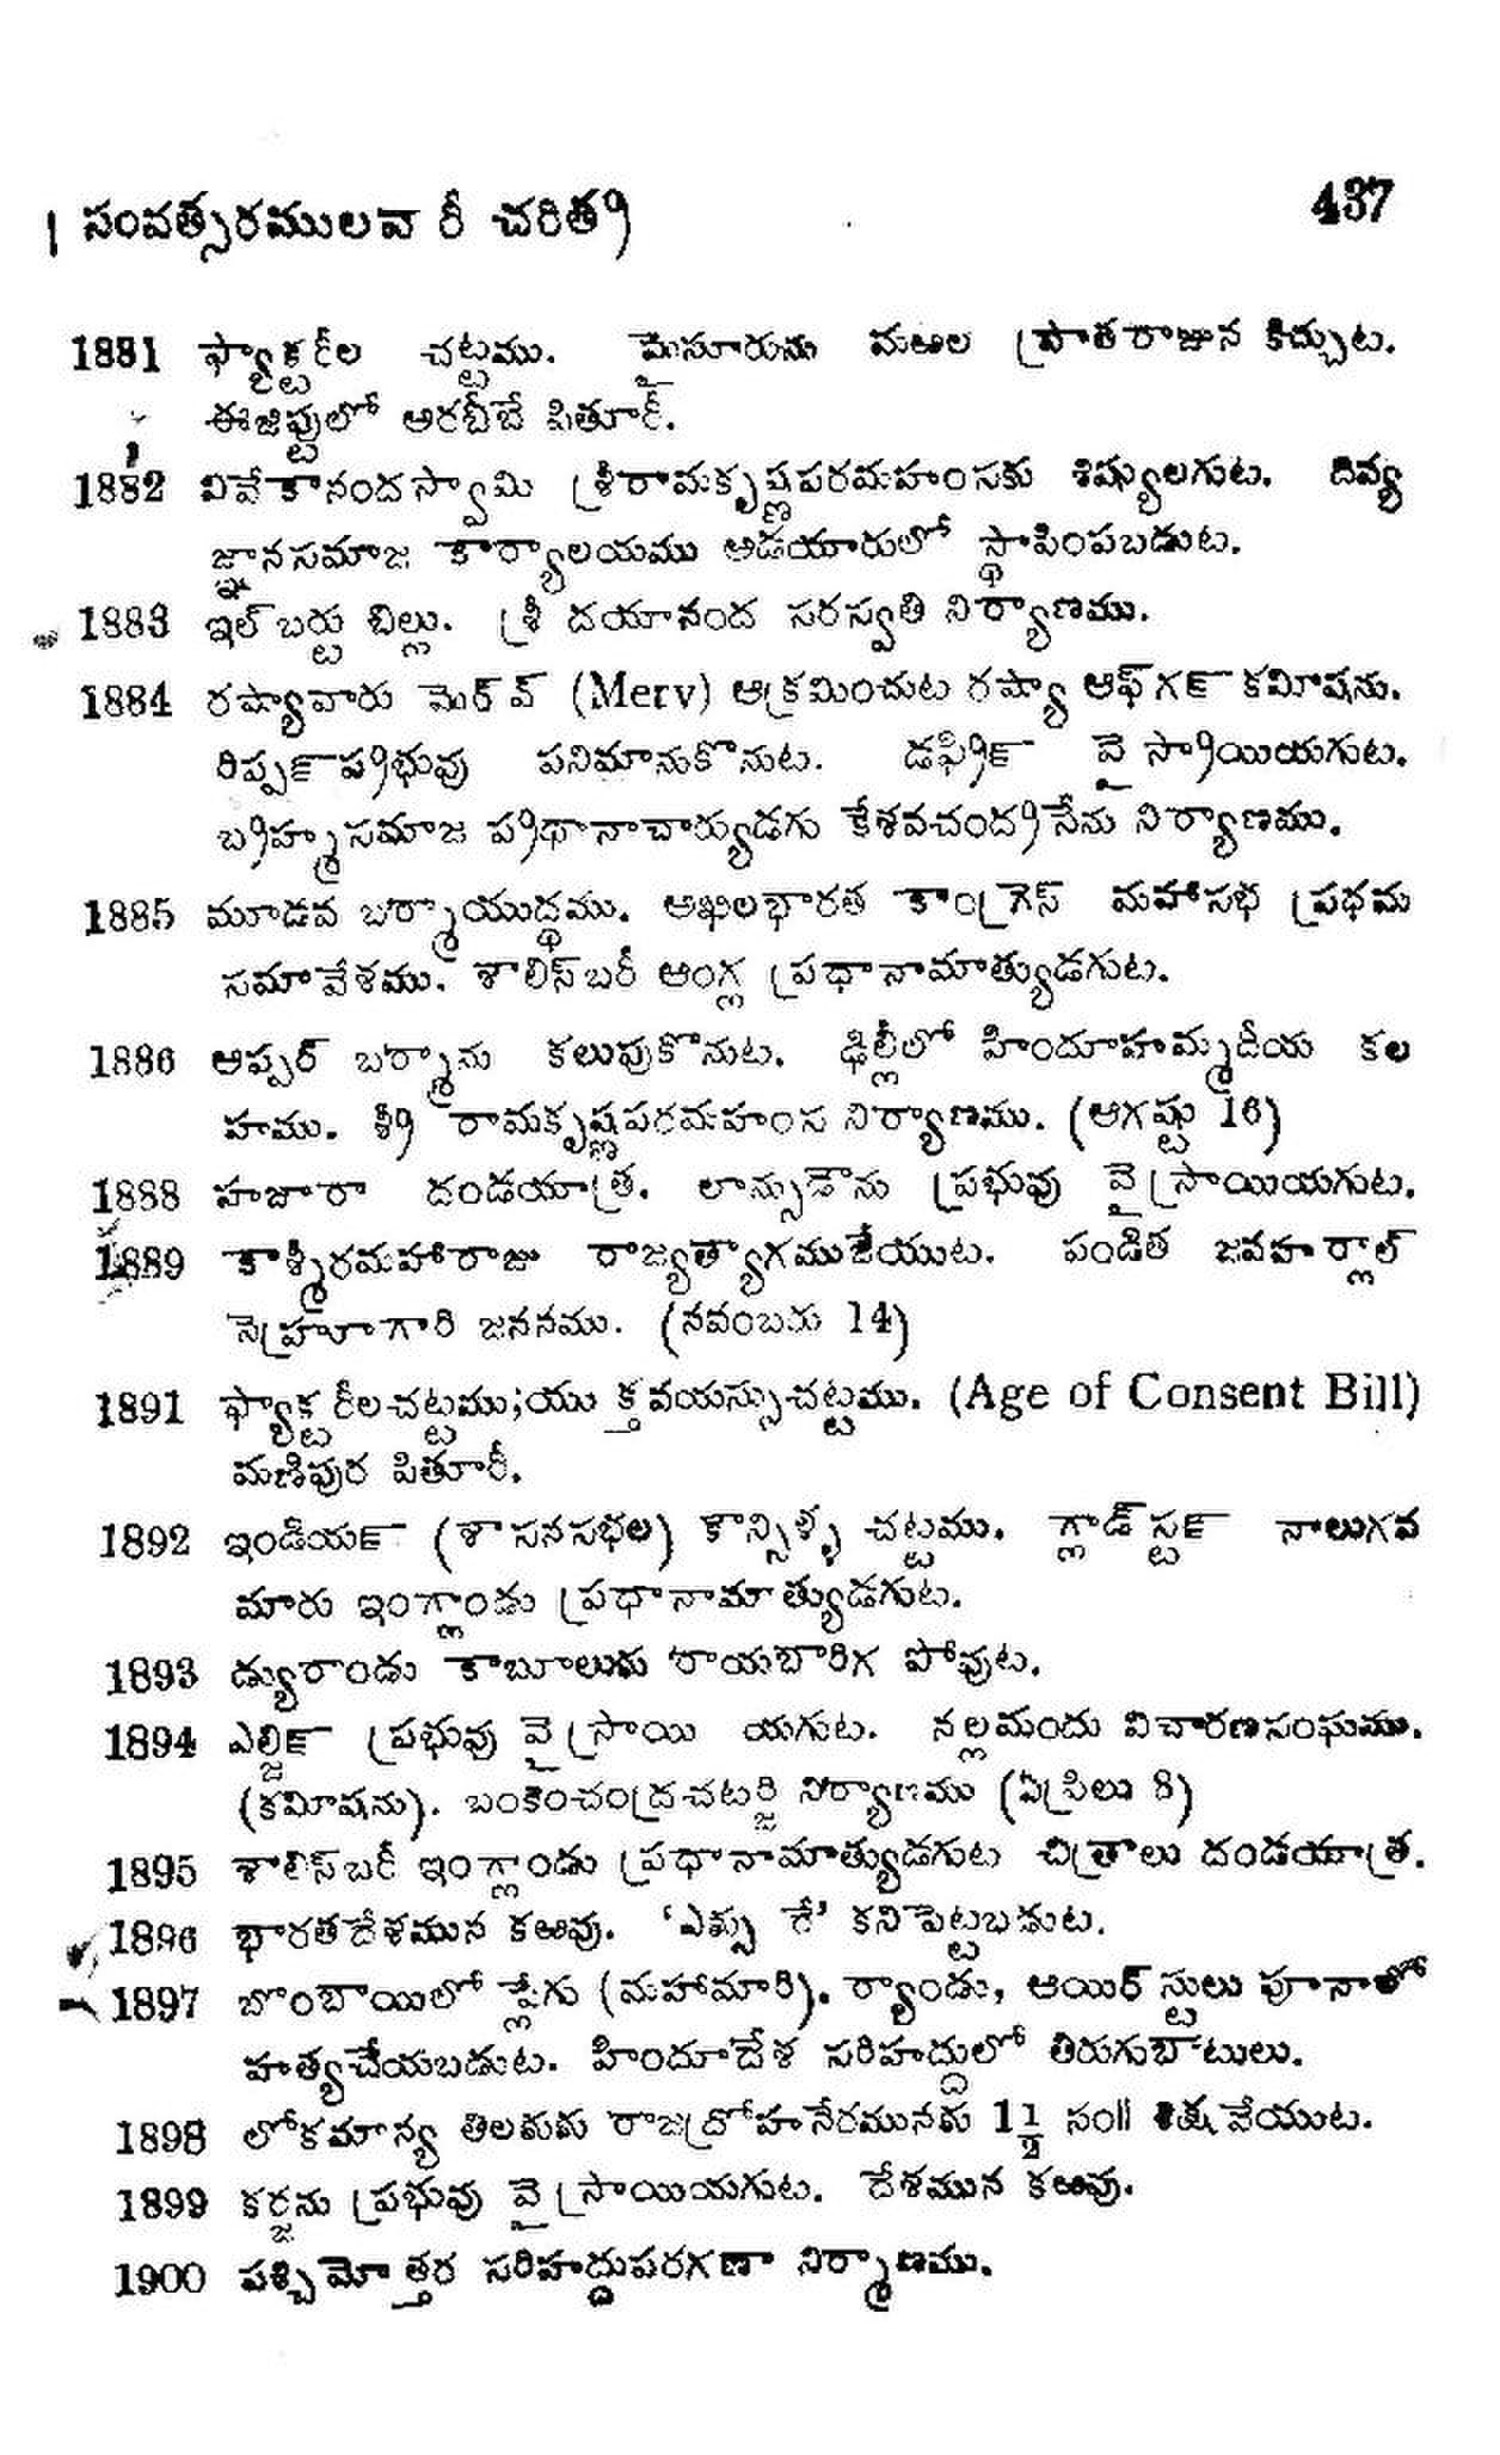1881 ఫ్యాక్టరీల చట్టము. మైసూరును మఱల ప్రాతరాజున కిచ్చుట. ఈజిప్టులో అరబీబే పితూరీ.

1882 వివేకానందస్వామి శ్రీరామకృష్ణపరమహంసకు శిష్యులగుట, దివ్యజ్ఞానసమాజ కార్యాలయము అడయారులో స్థాపింపబడుట. 

1883 ఇల్ బర్టు బిల్లు. శ్రీ దయానంద సరస్వతి నిర్యాణము. 

1884 రష్యావారు మెర్ వ్ (Merv) ఆక్రమించుట రష్యా ఆఫ్‌గ౯ కమీషను. రిప్ప౯ప్రభువు పనిమానుకొనుట. డఫ్రి౯ వైస్రాయియగుట, బ్రహ్మసమాజ ప్రధానాచార్యుడగు కేశవచంద్రసేను నిర్యాణము, 

1885 మూడవ బర్మాయుద్ధము. అఖిలభారత కాంగ్రెస్ మహాసభ ప్రధమసమావేశము, శాలిస్ బరీ ఆంగ్ల ప్రధానామాత్యుడగుట. 

1886 అప్పర్ బర్మాను కలుపుకొనుట, ఢిల్లీలో హిందూమహమ్మదీయ కలహము. శ్రీ రామకృష్ణ పరమహంస నిర్యాణము. (ఆగష్టు 16) 

1888 హజారా దండయాత్ర. లాన్సుడౌను ప్రభువు వైస్రాయియగుట. 

1889 కాశ్మీరమహారాజు రాజ్యత్యాగముజేయుట. పండిత జవహర్లాల్ సెహ్రూగారి జననము. (నవంబరు 14) 

1891 ఫ్యాక్టరీలచట్టము; యుక్తవయస్సుచట్టము. (Age of Consent Bill) మణిపుర పితూరీ. 

1892 ఇండియ౯ (శాసన సభల) కౌన్సిళ్ళ చట్టము. గ్లాడ్ స్ట౯ నాలుగవమారు ఇంగ్లాండు ప్రధానామాత్యుడగుట. 

1893 డ్యురాండు కాబూలుకు రాయబారిగ పోవుట. 

1894 ఎల్జి౯ ప్రభువు వైస్రాయి యగుట. నల్లమందు విచారణసంఘము, (కమిషను). బంకించంద్రచటర్జి నిర్యాణము (ఏప్రిలు 8) 

1895 శాలిస్ బరీ ఇంగ్లాండు ప్రధానామాత్యుడగుట చిత్రాలు దండయాత్ర. 

1896 భారతదేశమున కఱవు. 'ఎక్సు రే' కని పెట్టబడుట. 

1897 బొంబాయిలో ప్లేగు (మహామారి). ర్యాండు, ఆయిర్ స్టులు పూనాలో హత్యచేయబడుట. హిందూదేశ సరిహద్దులో తిరుగుబాటులు. 

1898 లోకమాన్య తిలకుకు రాజద్రోహనేరమునకు 1 1/2 సo|| శిక్షవేయుట. 

1899 కర్జను ప్రభువు వైస్రాయియగుట. దేశమున కఱవు. 

1900 పశ్చిమోత్తర సరిహద్దుపరగణా నిర్మాణము,